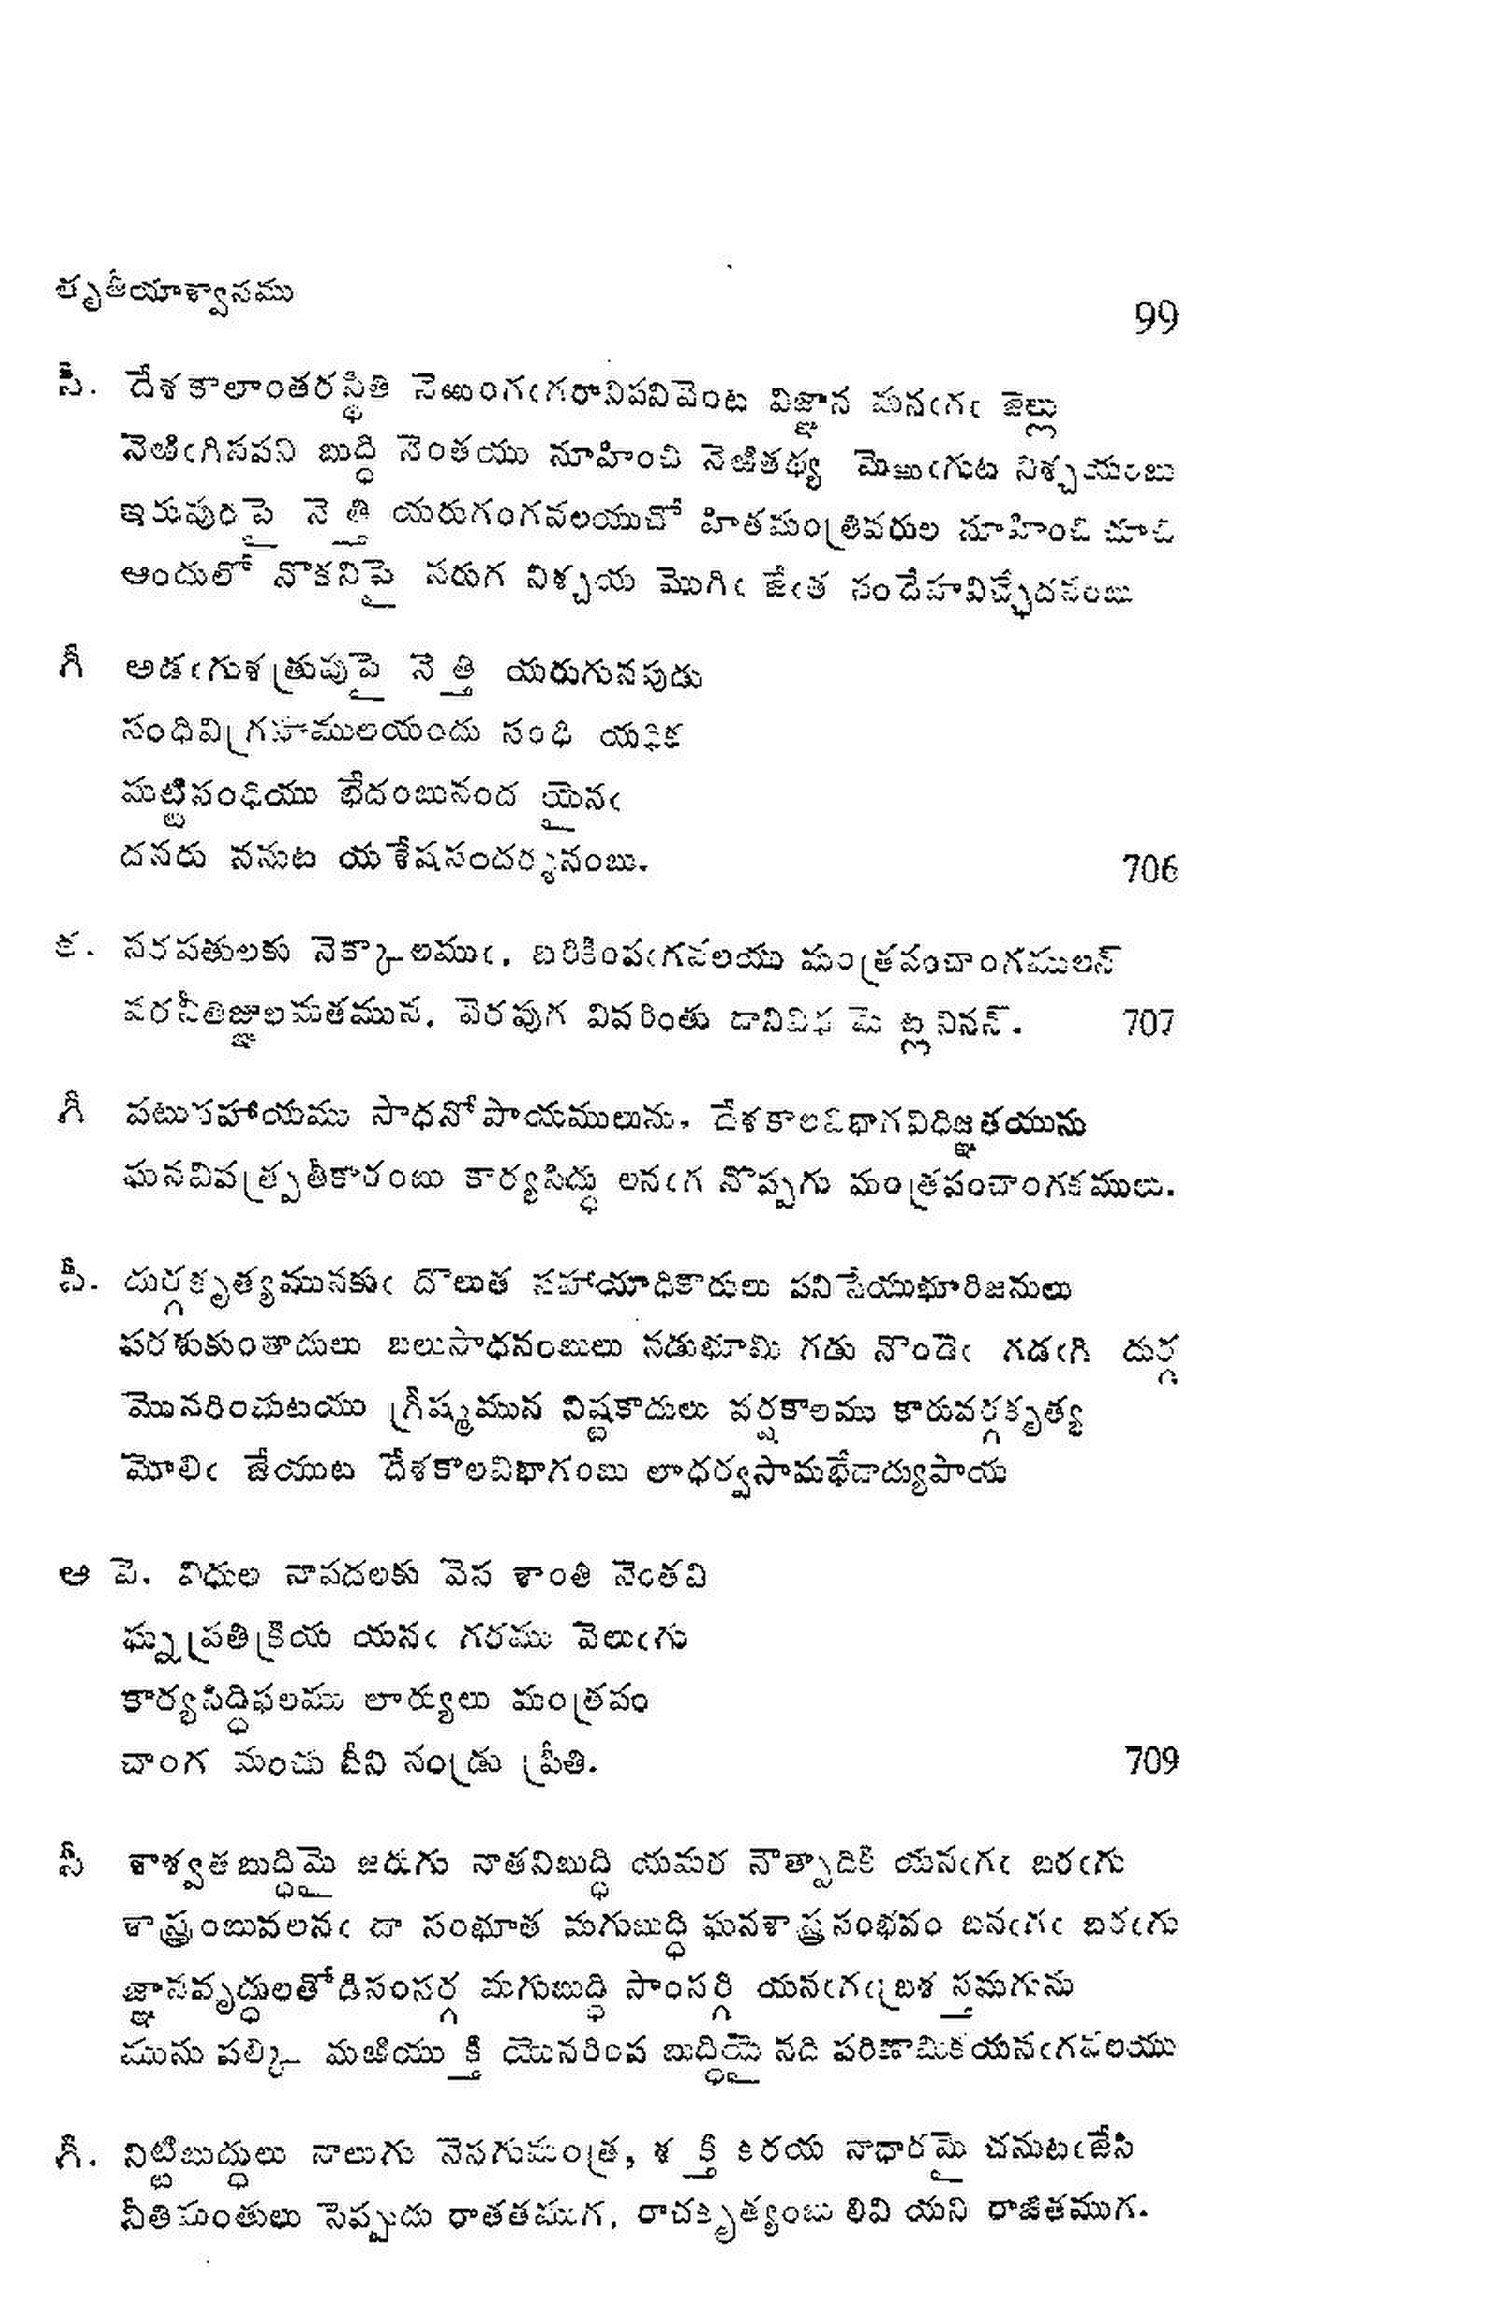సీ. దేశకాలాంతరస్థితి నెఱుంగఁగరాని
పనివెంట విజ్ఞాన మనఁగఁ జెల్లు
నెఱిఁగిన పని బుద్ధి నెంతయు నూహించి
నెఱితథ్య మెఱుఁగుట నిశ్చయంబు
ఇరువురపై నెత్తి యరుగంగవలయుచో
హితమంత్రివరుల నూహించి చూచి
అందులో నొకనిపై నరుగ నిశ్చయ మొగిఁ
జేఁత సందేహవిచ్ఛేదనంబు
గీ. అడఁగు శత్రువుపై నెత్తి యరుగునపుడు
సంధివిగ్రహములయందు సంధి యధిక
మట్టిసంధియు భేదంబునంద యైనఁ
దనరు ననుట యశేషసందర్శనంబు. 706

క. నరపతులకు నెక్కాలముఁ
బరికింపఁగవలయు మంత్రపంచాంగములన్
వరనీతిజ్ఞులమతమున
వెరవుగ వివరింతు దాని విధ మె ట్లనినన్. 707

గీ. పటుసహాయము సాధనోపాయములును
దేశకాలవిభాగవిధిజ్ఞతయును
ఘనవిపత్ప్రతీకారంబు కార్యసిద్ధు
లనఁగ నొప్పగు మంత్రపంచాంగకములు. 708

సీ. దుర్గకృత్యమునకుఁ దొలుత సహాయాధి
కారులు పనిసేయు భూరిజనులు
పరశుకుంతాదులు బలుసాధనంబులు
నడుభూమి గడు నొండెఁ గడఁగి దుర్గ
మొనరించుటయు గ్రీష్మమున నిష్టకాదులు
వర్షకాలము కారువర్గకృత్య
మోలిఁ జేయుట దేశకాలవిభాగంబు
లాధర్వసామభేదాద్యుపాయ
ఆ. విధుల నాపదలకు వెస శాంతి నంతవి
ఘ్నప్రతిక్రియ యనఁ గలము వెలుఁగు
కార్యసిద్ధిఫలము లార్యులు మంత్రపం
చాంగ మందు దీని నండ్రు ప్రీతి. 709

సీ. శాశ్వతబుద్ధిమై జరుగు నాతనిబుద్ధి
యమర నౌత్పాదికి యనఁగఁ బరఁగు
శాస్త్రంబువలనఁ దా సంభూత మగుబుద్ధి
ఘనశాస్త్రసంభవం బనఁగఁ బరఁగు
జ్ఞానవృద్ధులతోడి సంసర్గ మగుబుద్ధి
సాంసర్గి యనఁగఁ బ్రశస్త మగును
మును పల్కి మఱియుక్తి యొనరింప
బుద్ధియై నది పరిణామిక యనఁగవలయు
గీ. నిట్టిబుద్ధులు నాలుగు నెసగు మంత్రి
శక్తి కరయ నాధారమై చనుటఁ జేసి
నీతిమంతులు సెప్పుదు రాతతముగ
రాచకృత్యంబు లివి యని రాజితముగ. 710